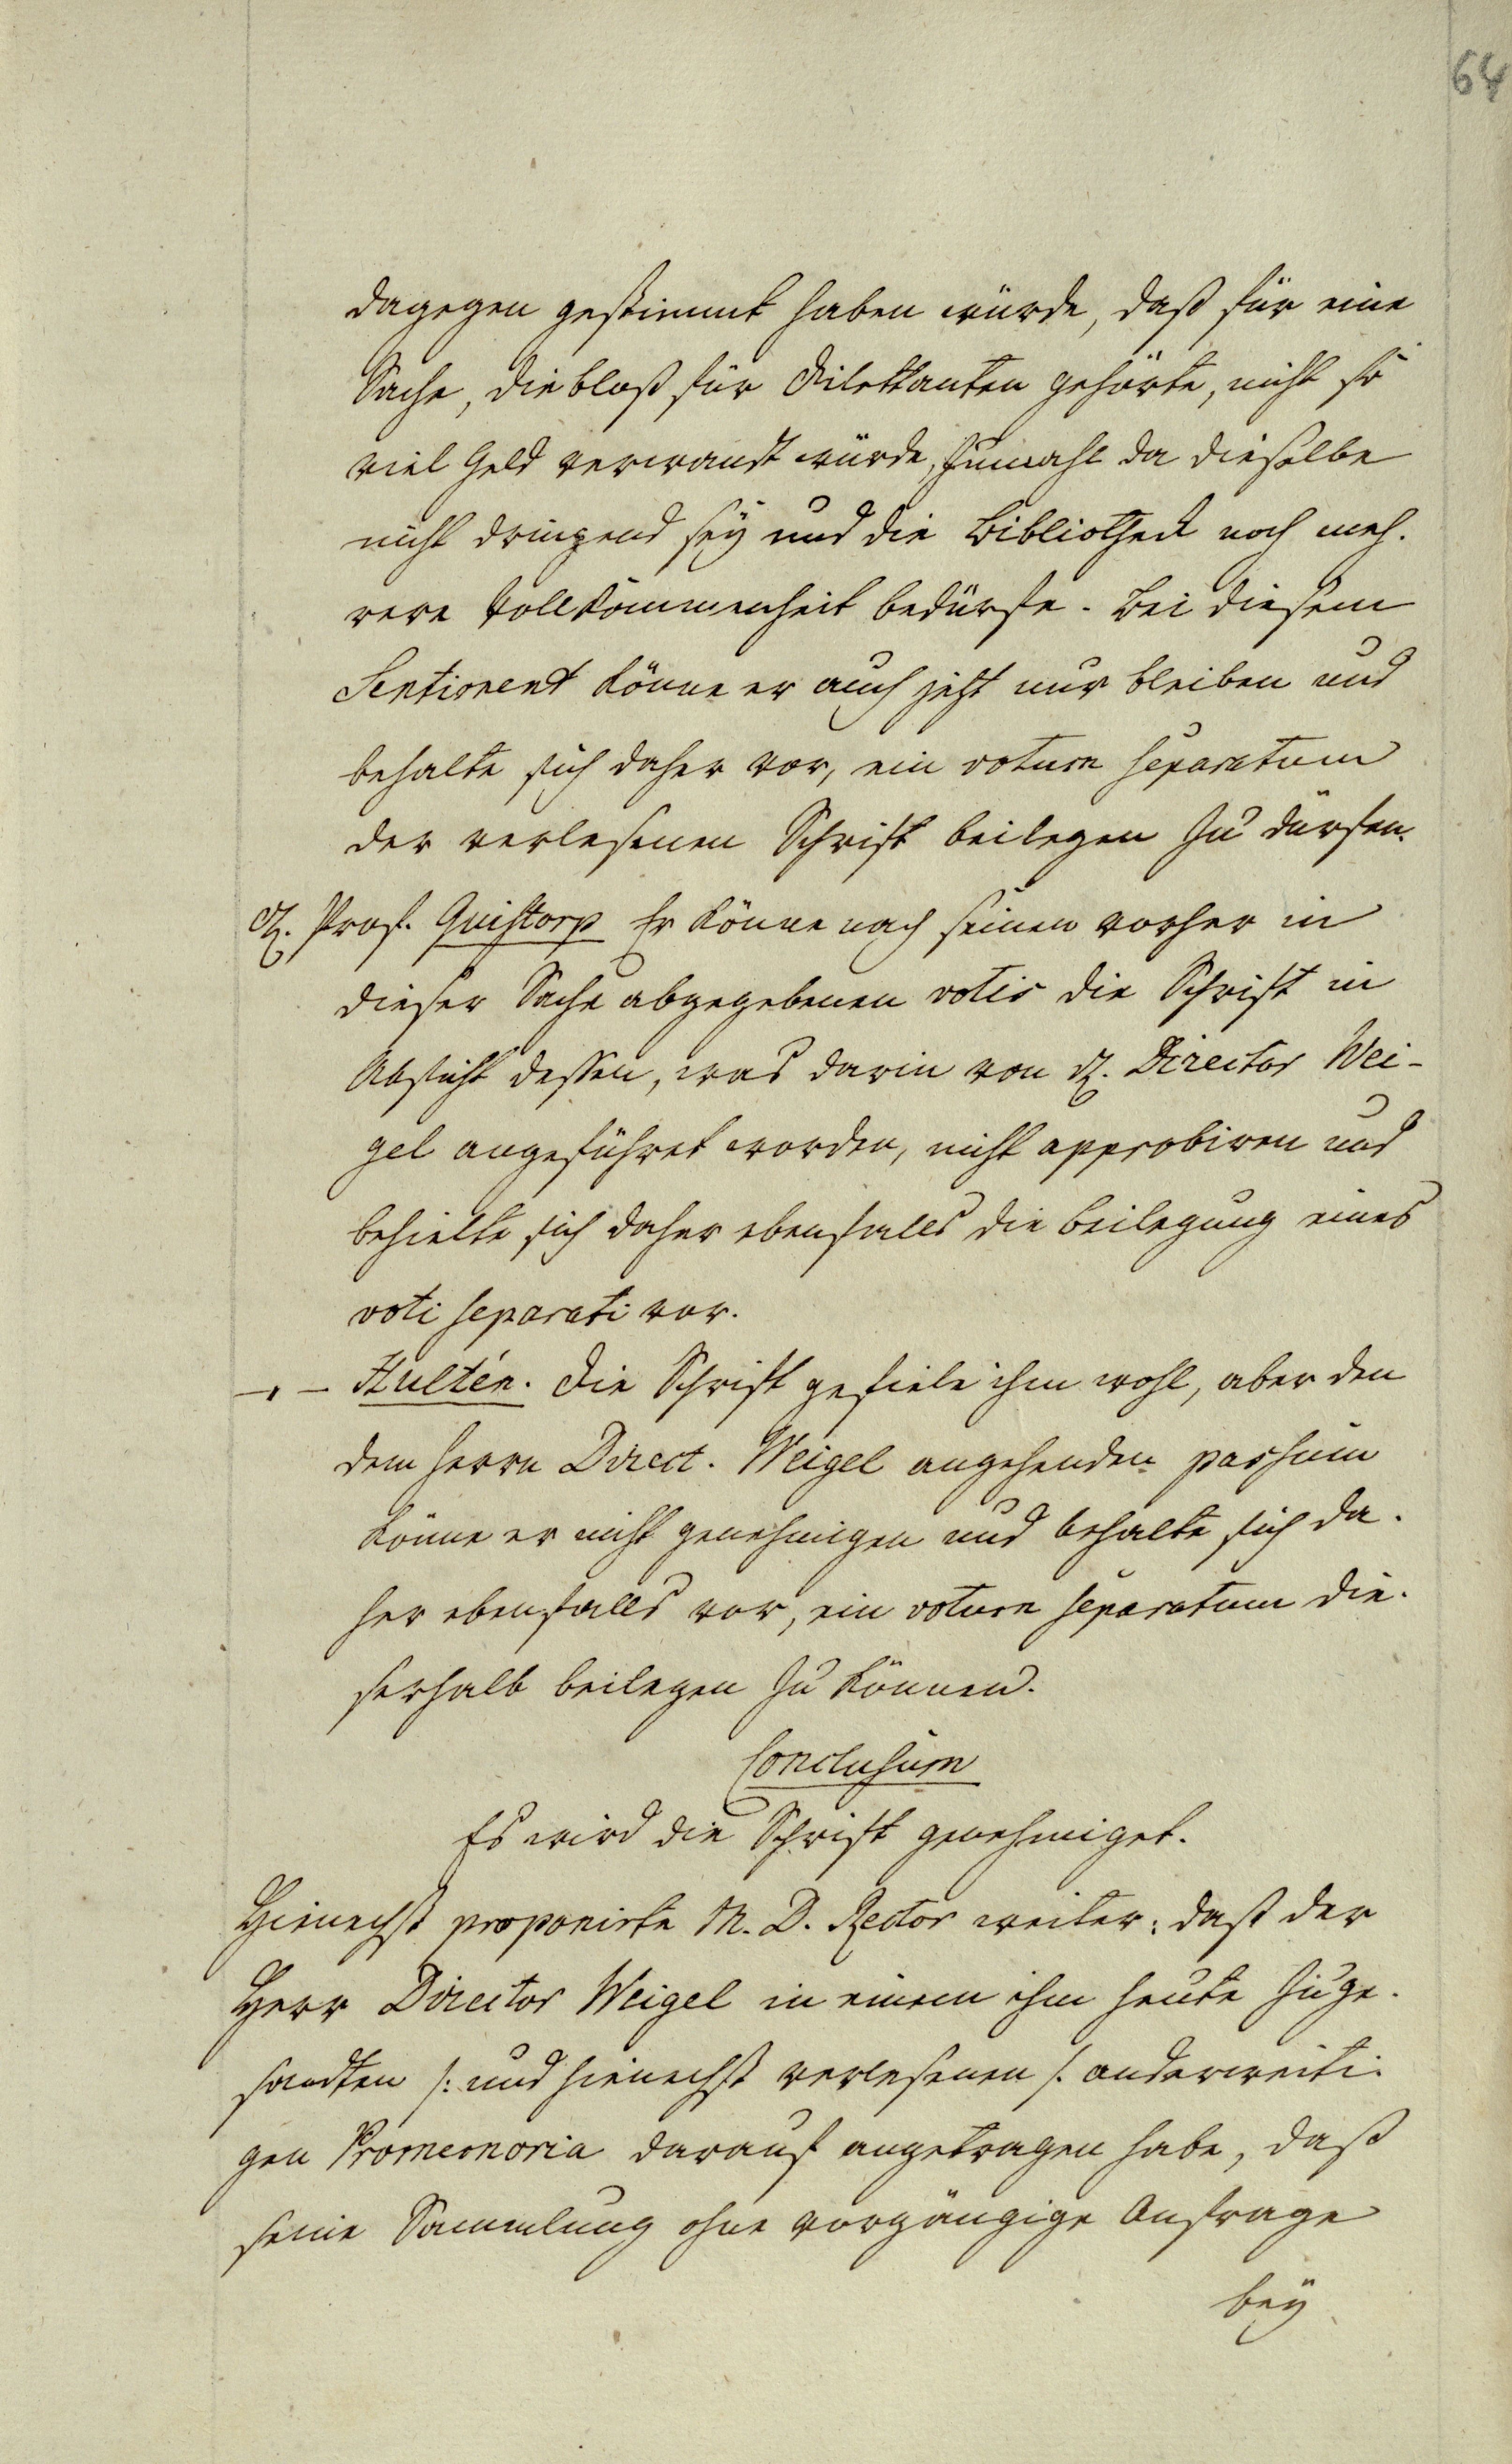dagegen gestimmt haben würde, daß für eine
Sache, die bloß für Dilettanten gehörte, nicht so
viel Geld verwandt würde, zumahl da dieselbe
nicht dringend seÿ und die Bibliothek noch meh¬
rere Vollkommenheit bedürfe. Bei diesem
Sentiment könne er auch jetzt nur bleiben und
behalte sich daher vor, ein votum separatum
der verlesenen Schrift beilegen zu dürfen.
dh. Prof. Quistorp Er könne nach seinen vorher in
dieser Sache abgegebenen votis die Schrift in
Absicht dessen, was darin von dh. Director Wei¬
gel angeführet worden, nicht approbiren und
behielte sich daher ebenfalls die Beilegung eines
voti separati vor.
Hultén. Die Schrift gefiele ihm wohl, aber den
dem Herrn Direct. Weigel angehende passum
könne er nicht genehmigen und behalte sich da¬
her ebenfalls vor, ein votum separatum die¬
serhalb beilegen zu können.
Conclusum
Es wird die Schrift genehmiget.
Hienechst proponirte M. D. Rector weiter, daß der
Herr Director Weigel in einem ihm heute zuge¬
sandten /: und hienechst verlesenen/. anderweiti¬
gen Promemoria darauf angetragen habe, daß
seine Sammlung ohne vorgängige Anfrage
beÿ